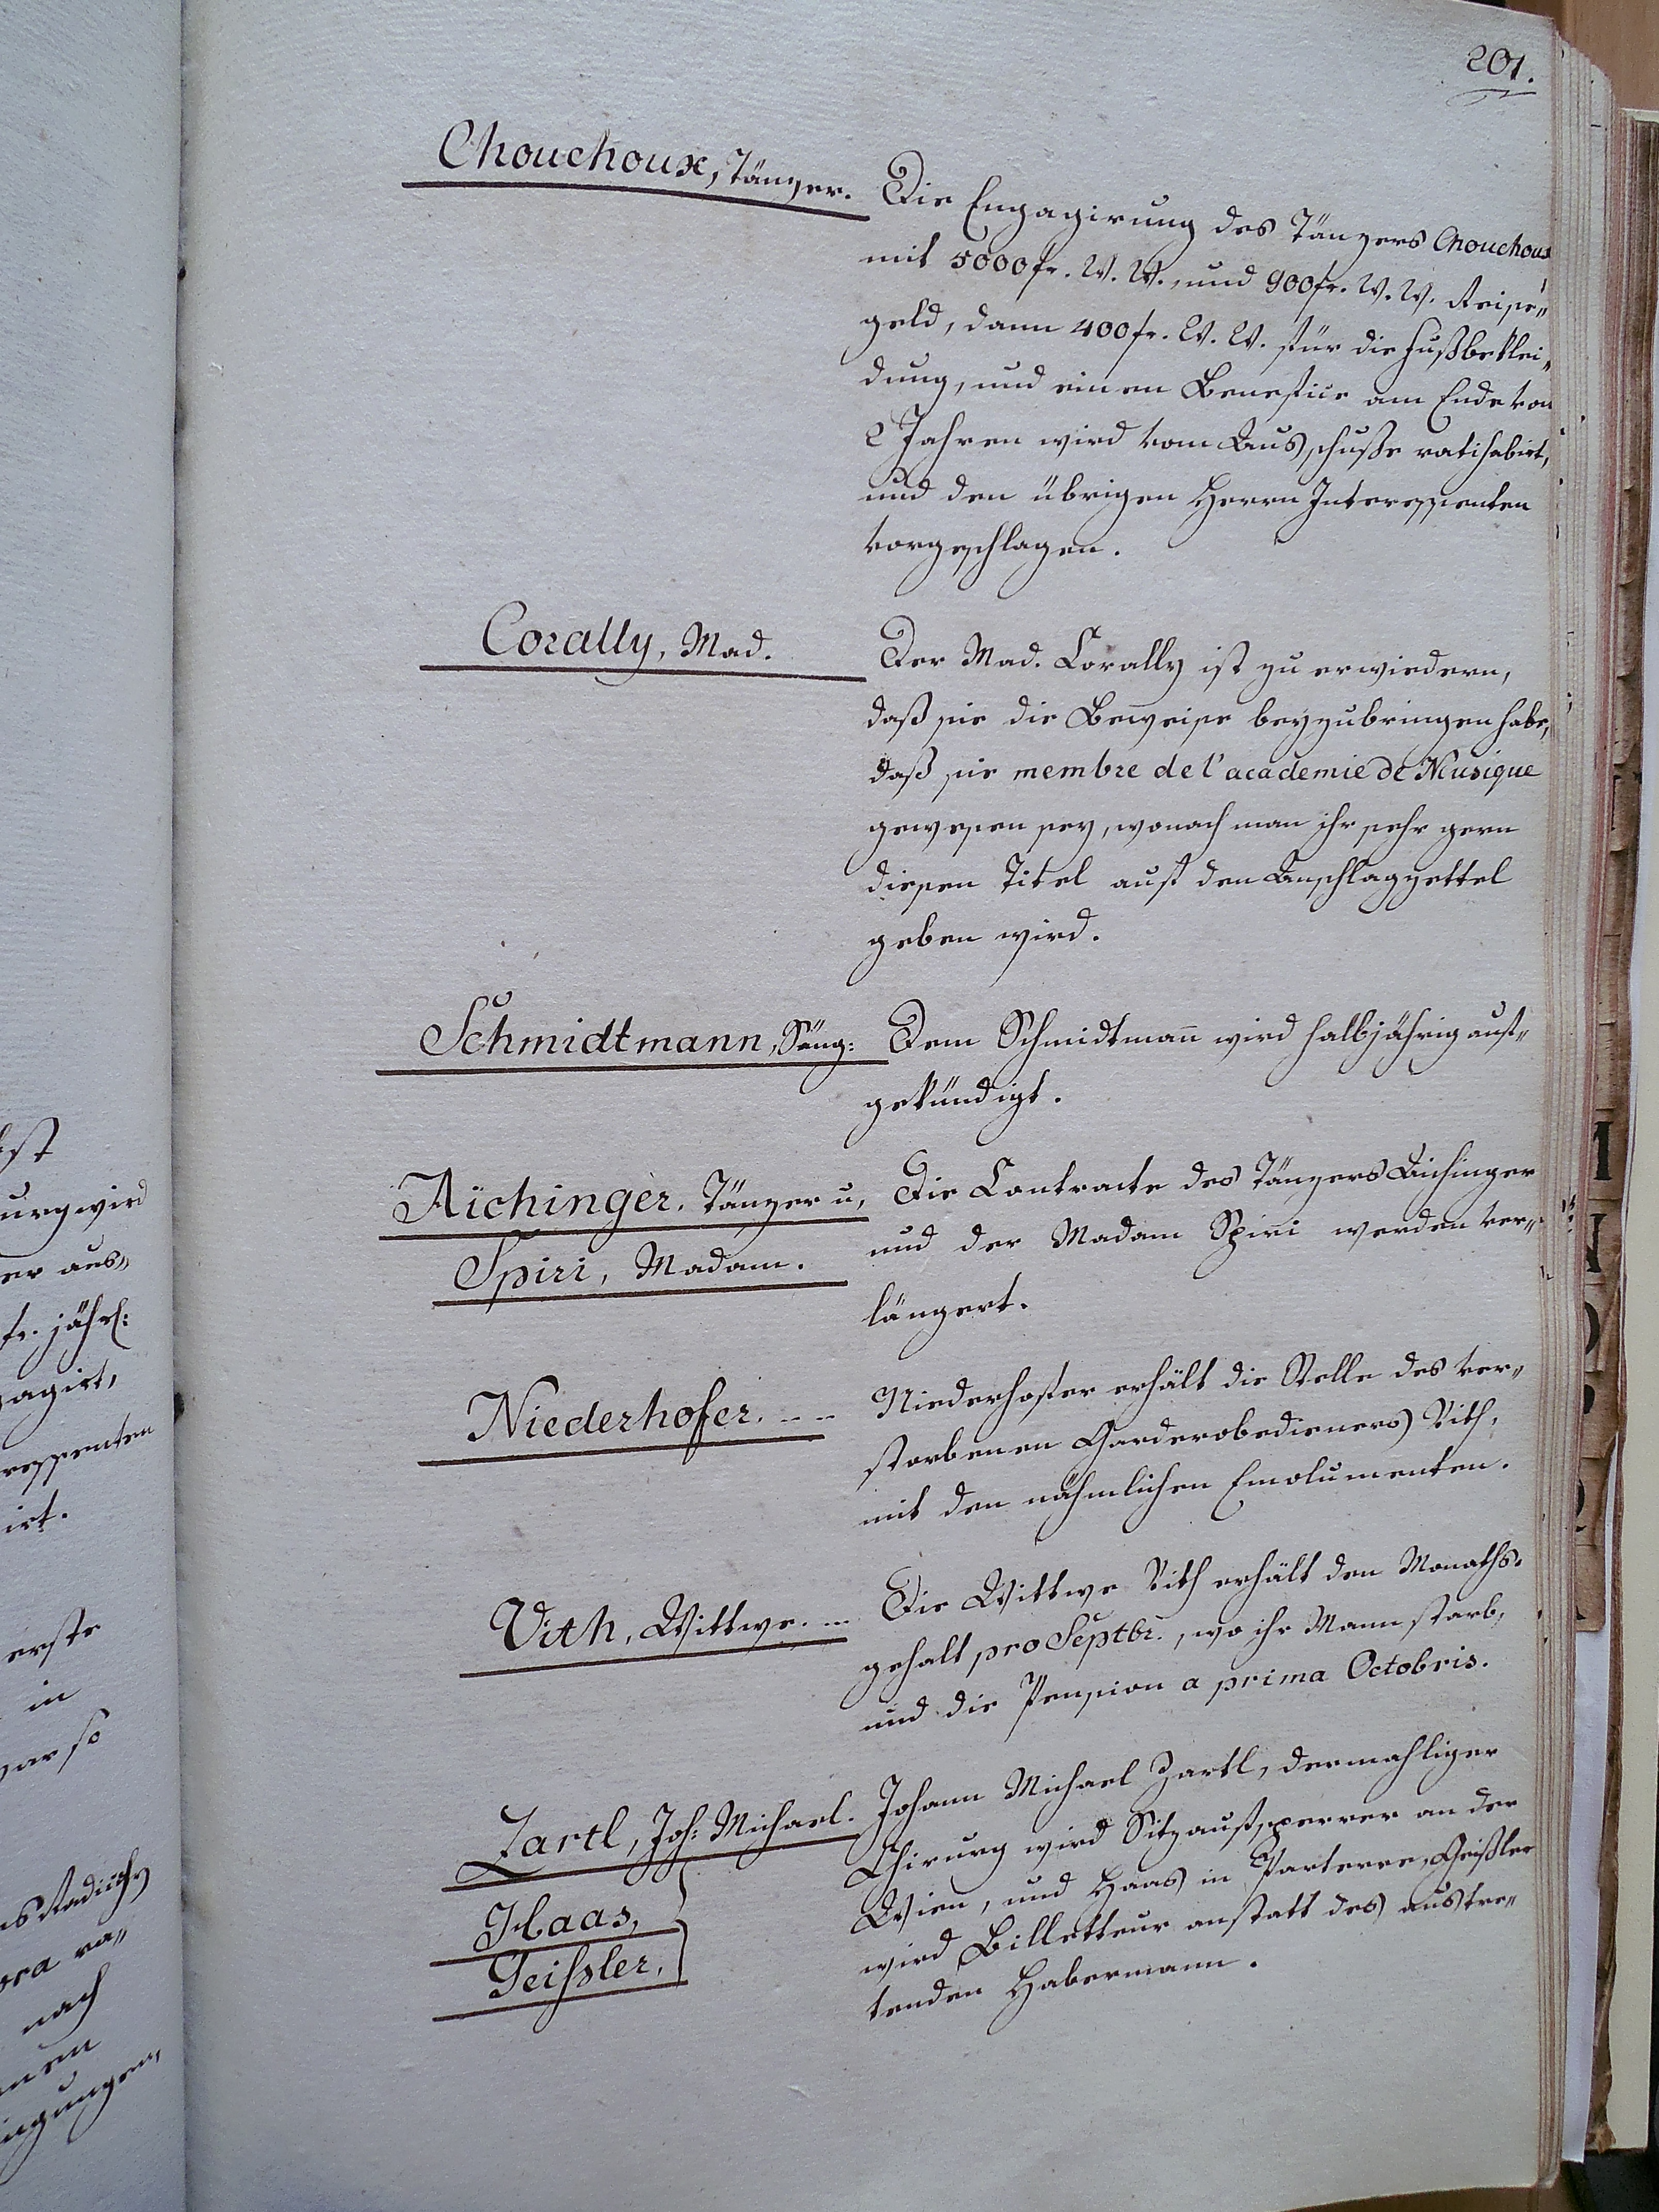201.
Chouchoux, Tänzer. Die Engagirung des Tänzers Chouchoux
mit 5000fr. W.W., und 900fr. W.W. Reise¬
geld, dann 400fr. W.W. für die Fußbeklei,
dung, und einen Benefice am Ende von
2 Jahren wird vom Ausschuße ratihabirt,
und den übrigen Herrn Interessenten
vorgeschlagen.
Corally, Mad. Der Mad. Corally ist zu erwiedern,
daß sie die Beweise beyzubringen habe,
daß sie membre del' academie de Musique
gewesen sey, wonach man ihr sehr gern
diesen Titel auf den Anschlagzettel
geben wird.
Schmidtmann, Tänz: Dem Schmidtman wird halbjährig auf¬
gekündigt.
Aichinger, Tänzer u,
Spiri, Madam.
Die Contracte des Tänzers Aichinger
und der Madam Spiri werden ver¬
längert.
Niederhofer. .. .. Niederhofer erhält die Stelle des ver¬
storbenen Garderobedieners Vith,
mit den nähmlichen Emolumenten.
Vith, Wittwe. ... Die Wittwe Vith erhält den Monaths¬
gehalt pro Septbr., wo ihr Mann starb,
und die Pension a prima Octobris.
Zartl, Joh: Michael.
Haas,
Geissler.
Johann Michael Zartl, dermahliger
Chirurg wird Sitzaufsperrer an der
Wien, und Haas in Parterre Geißler
wird Billetteur anstatt des austre¬
tenden Habermann.